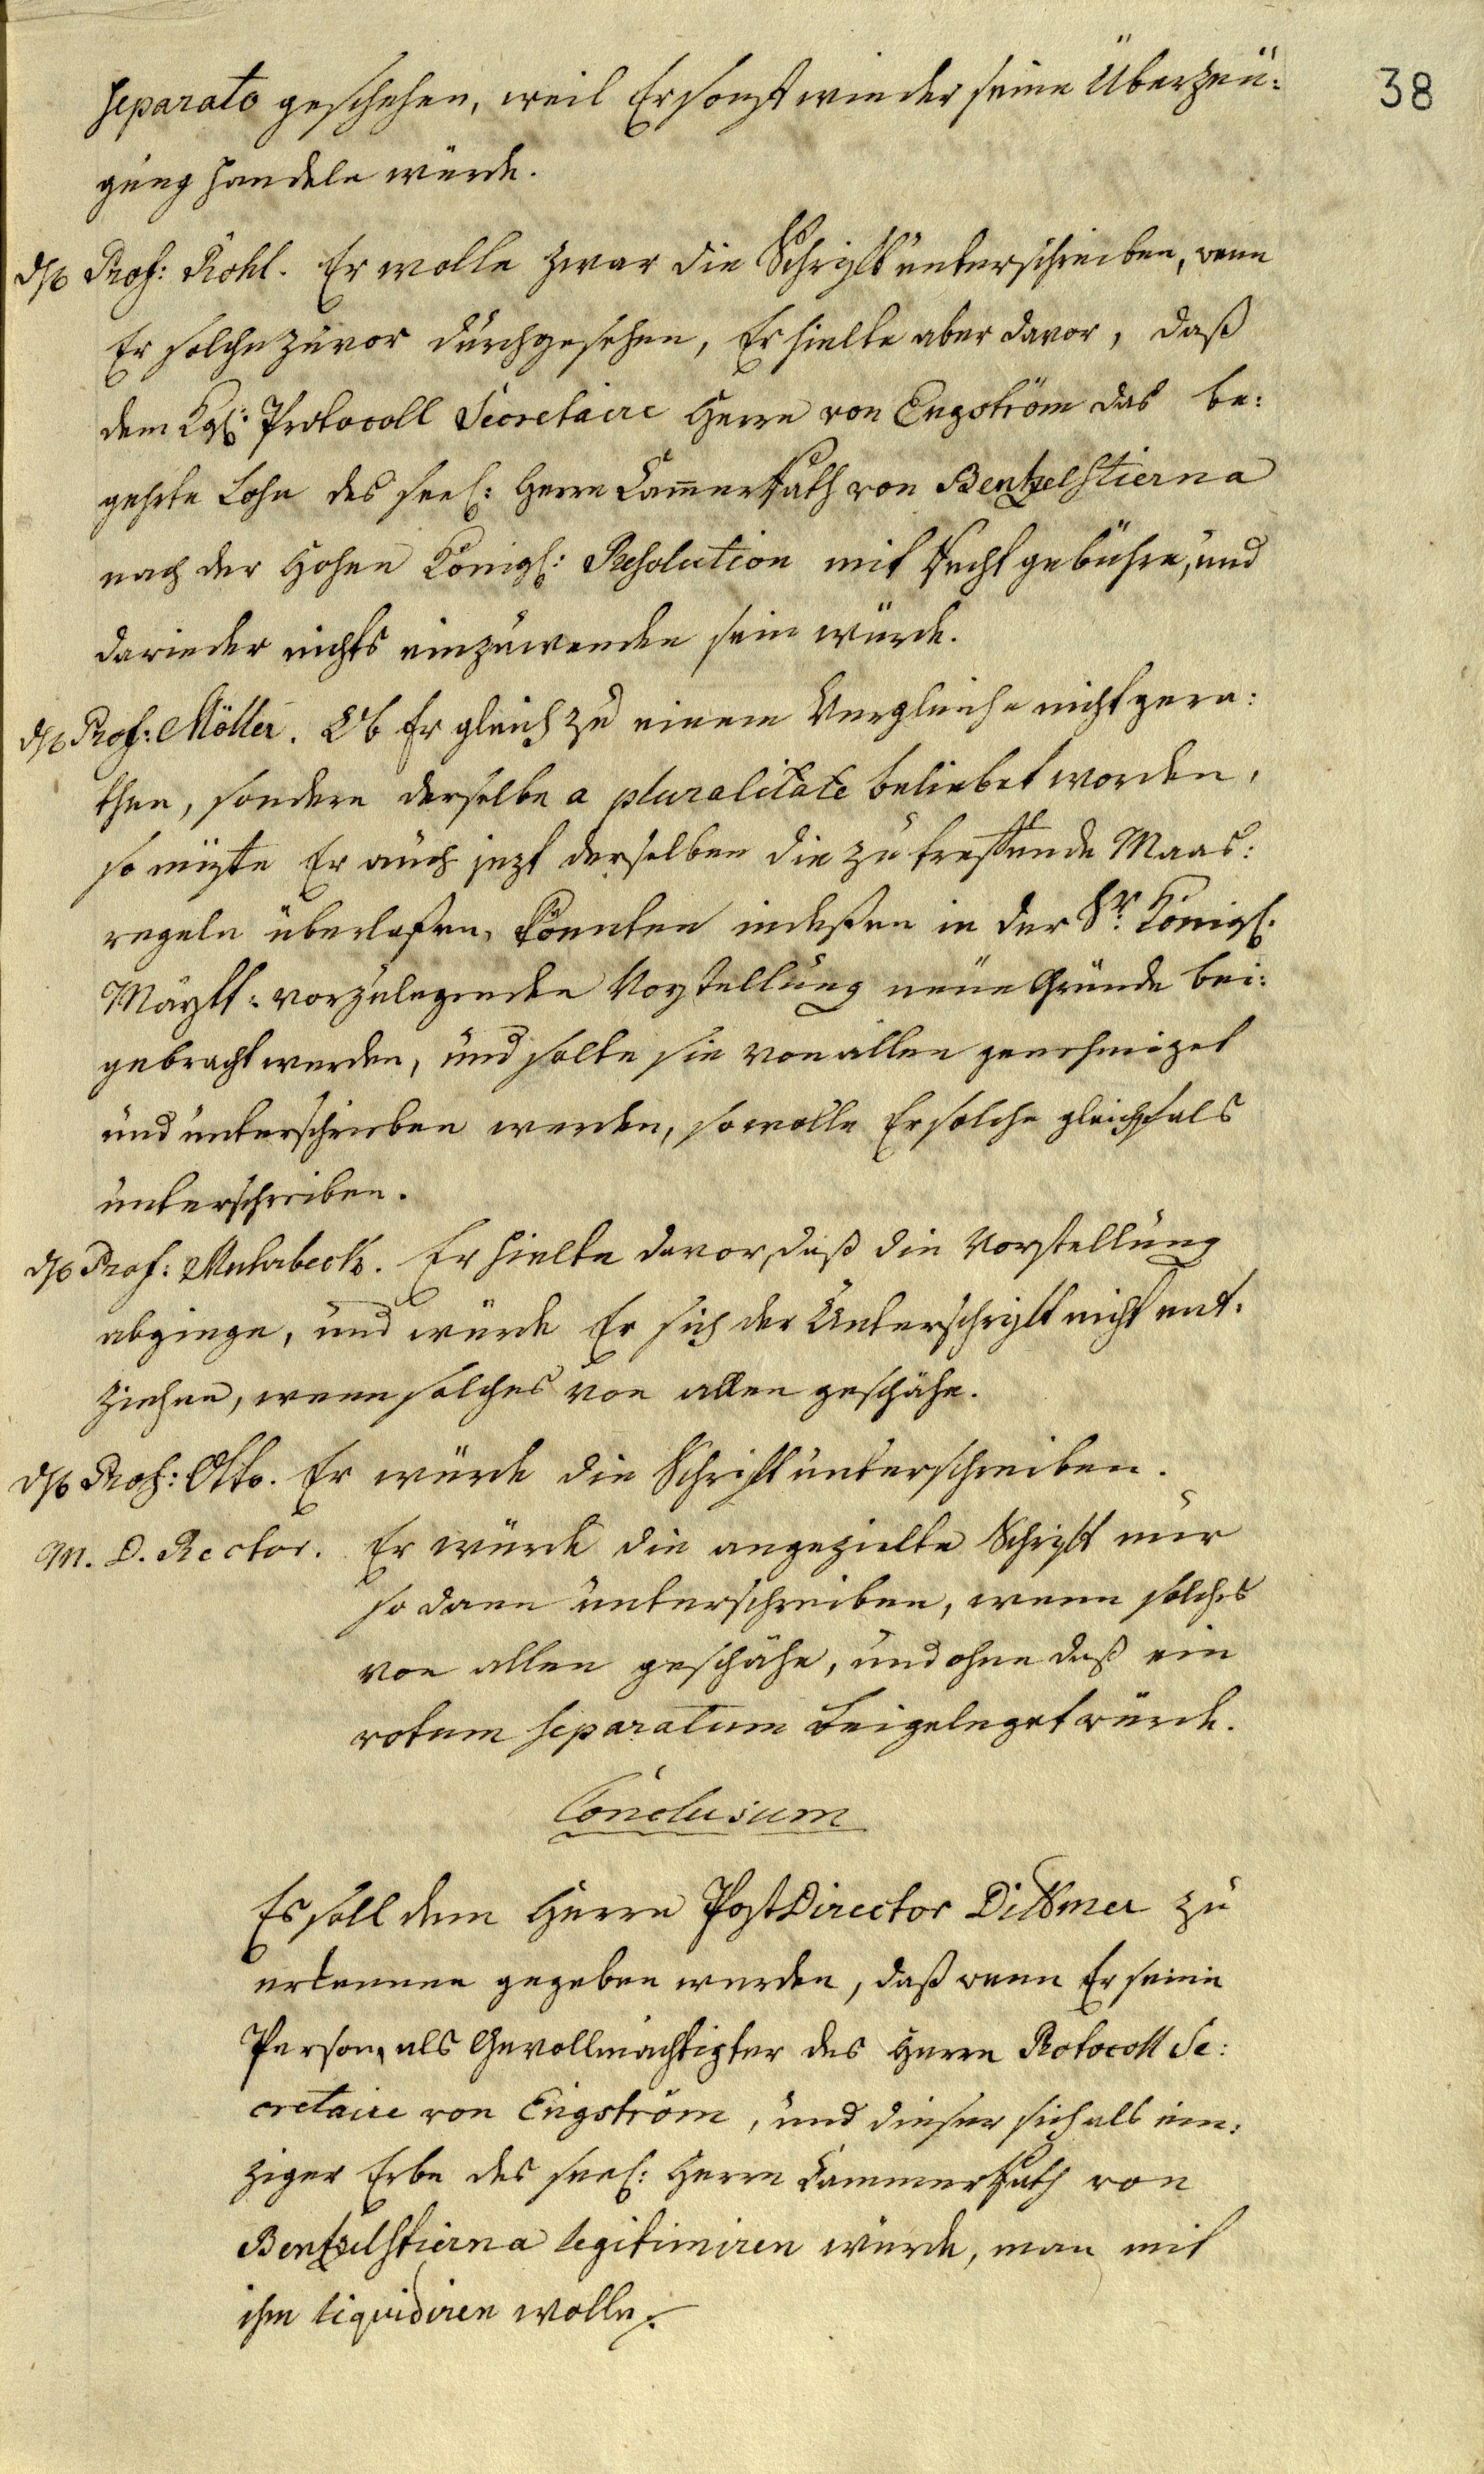separato geschehen, weil Er sonst wieder seine Überzeu¬
gung handeln würde.
dh Prof. Röhl. Er wolle zwar die Schrift unterschreiben, wenn
Er solche zuvor durchgesehen, Er hielte aber davor, daß
dem Kgl. Protocoll Secretaire Herrn von Engström das be¬
gehrte Lohn des seel. Herrn CamerRath von Bentzelstierna
nach der Hohen Königl. Resolution mit Recht gebühre, und
dawieder nichts einzuwenden sein würde.
dh Prof. Möller. Ob Er gleich zu einem Vergleiche nicht gera¬
then, sondern derselbe a pluralitate beliebet worden,
so müste Er auch jezt derselben die zu treffende Maas¬
regeln überlaßen. Könnten indeßen in der Sr. Königl.
Maÿtt. vorzulegenden Vorstellung neue Gründe bei¬
gebracht werden, und solte sie von allen genehmiget
und unterschrieben werden, so wolle Er solche gleichfals
unterschreiben.
dh. Prof. Muhrbeck. Er hielte davor, daß die Vorstellung
abginge, und würde Er sich der Untrschrift nicht ent¬
ziehen, wenn solches von allen geschähe.
dh Prof. Otto. Er würde die Schrift unterschreiben.
M. D. Rector. Er würde die angezielte Schrift nur
so dann unterschreiben, wenn solches
von allen geschähe, und ohne daß ein
votum separatum beigeleget würde.
Conclusum
Es soll dem Herrn PostDirector Dittmer zu
erkennen gegeben werden, daß wenn Er seine
Person, als Gevollmächtigter der Herrn Protocoll Se¬
cretaire von Engström, und dieser sich als ein¬
ziger Erbe des seel. Herrn CammerRath von
Bentzelstierna legitimiren würde, man mit
ihm liquidiren wolle.